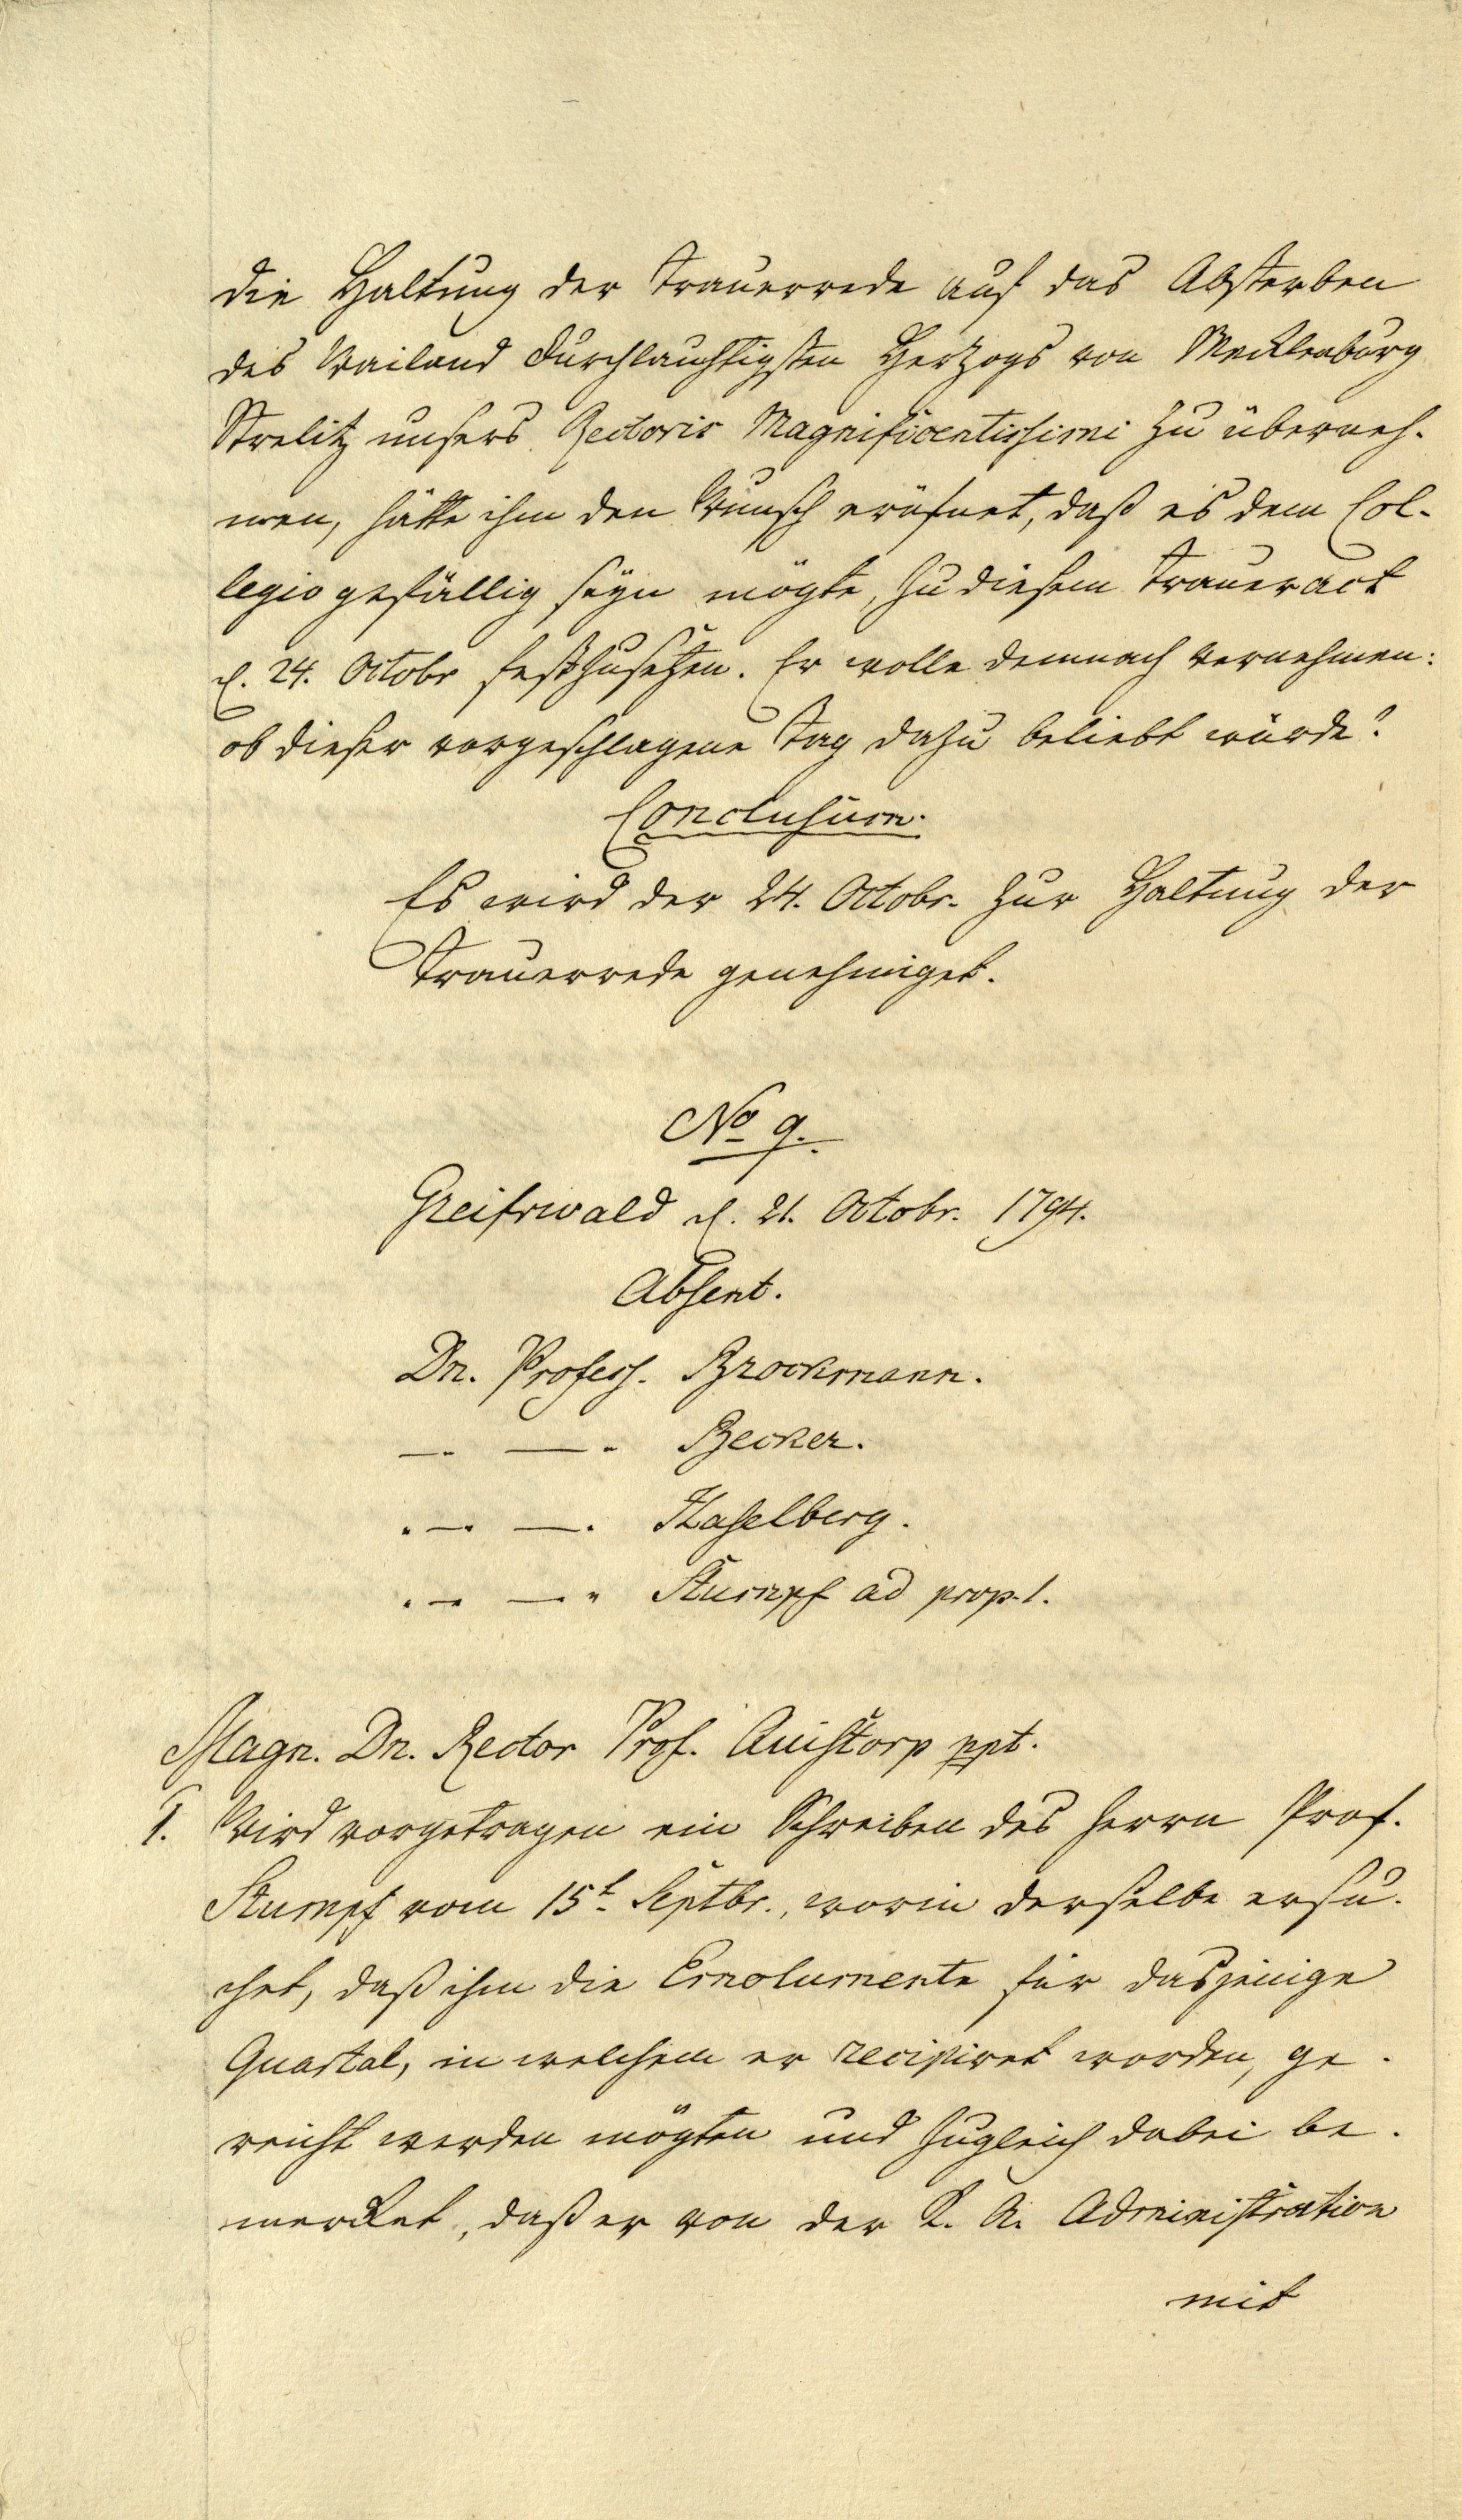die Haltung der Trauerrede auf das Absterben
des wailand durchlauchtigsten Herzogs von Mecklenburg
Strelitz unsers Rectoris Magnificentissimi zu überneh¬
men, hätte ihm den Wunsch eröfnet, daß es dem Col¬
legio gefällig seyn mögte, zu diesem Traueract
d. 24. Octobr festzusetzen. Er wolle demnach vernehmen:
ob dieser vorgeschlagene Tag dazu beliebt würde?
Conclusum.
Es wird der 24. Octobr. zur Haltung der
Trauerrede genehmiget.
No 9.
Greifswald d. 21. Octobr. 1794.
Absent.
Dn. Profess. Brockmann.
Becker.
Haselberg.
Stumpf ad prop. I.
Magn. Dn. Rector Prof. Quistorp ppt.
1., Wird vorgetragen ein Schreiben des Herrn Prof.
Stumpf vom 15. Septbr., worin derselbe ersu¬
chet, daß ihm die Emolumente für dasjenige
Quartal, in welchem er recipiret worden, ge¬
reicht werden mögten und zugleich dabei be¬
mercket, daß er von der K. A. Administration
mit